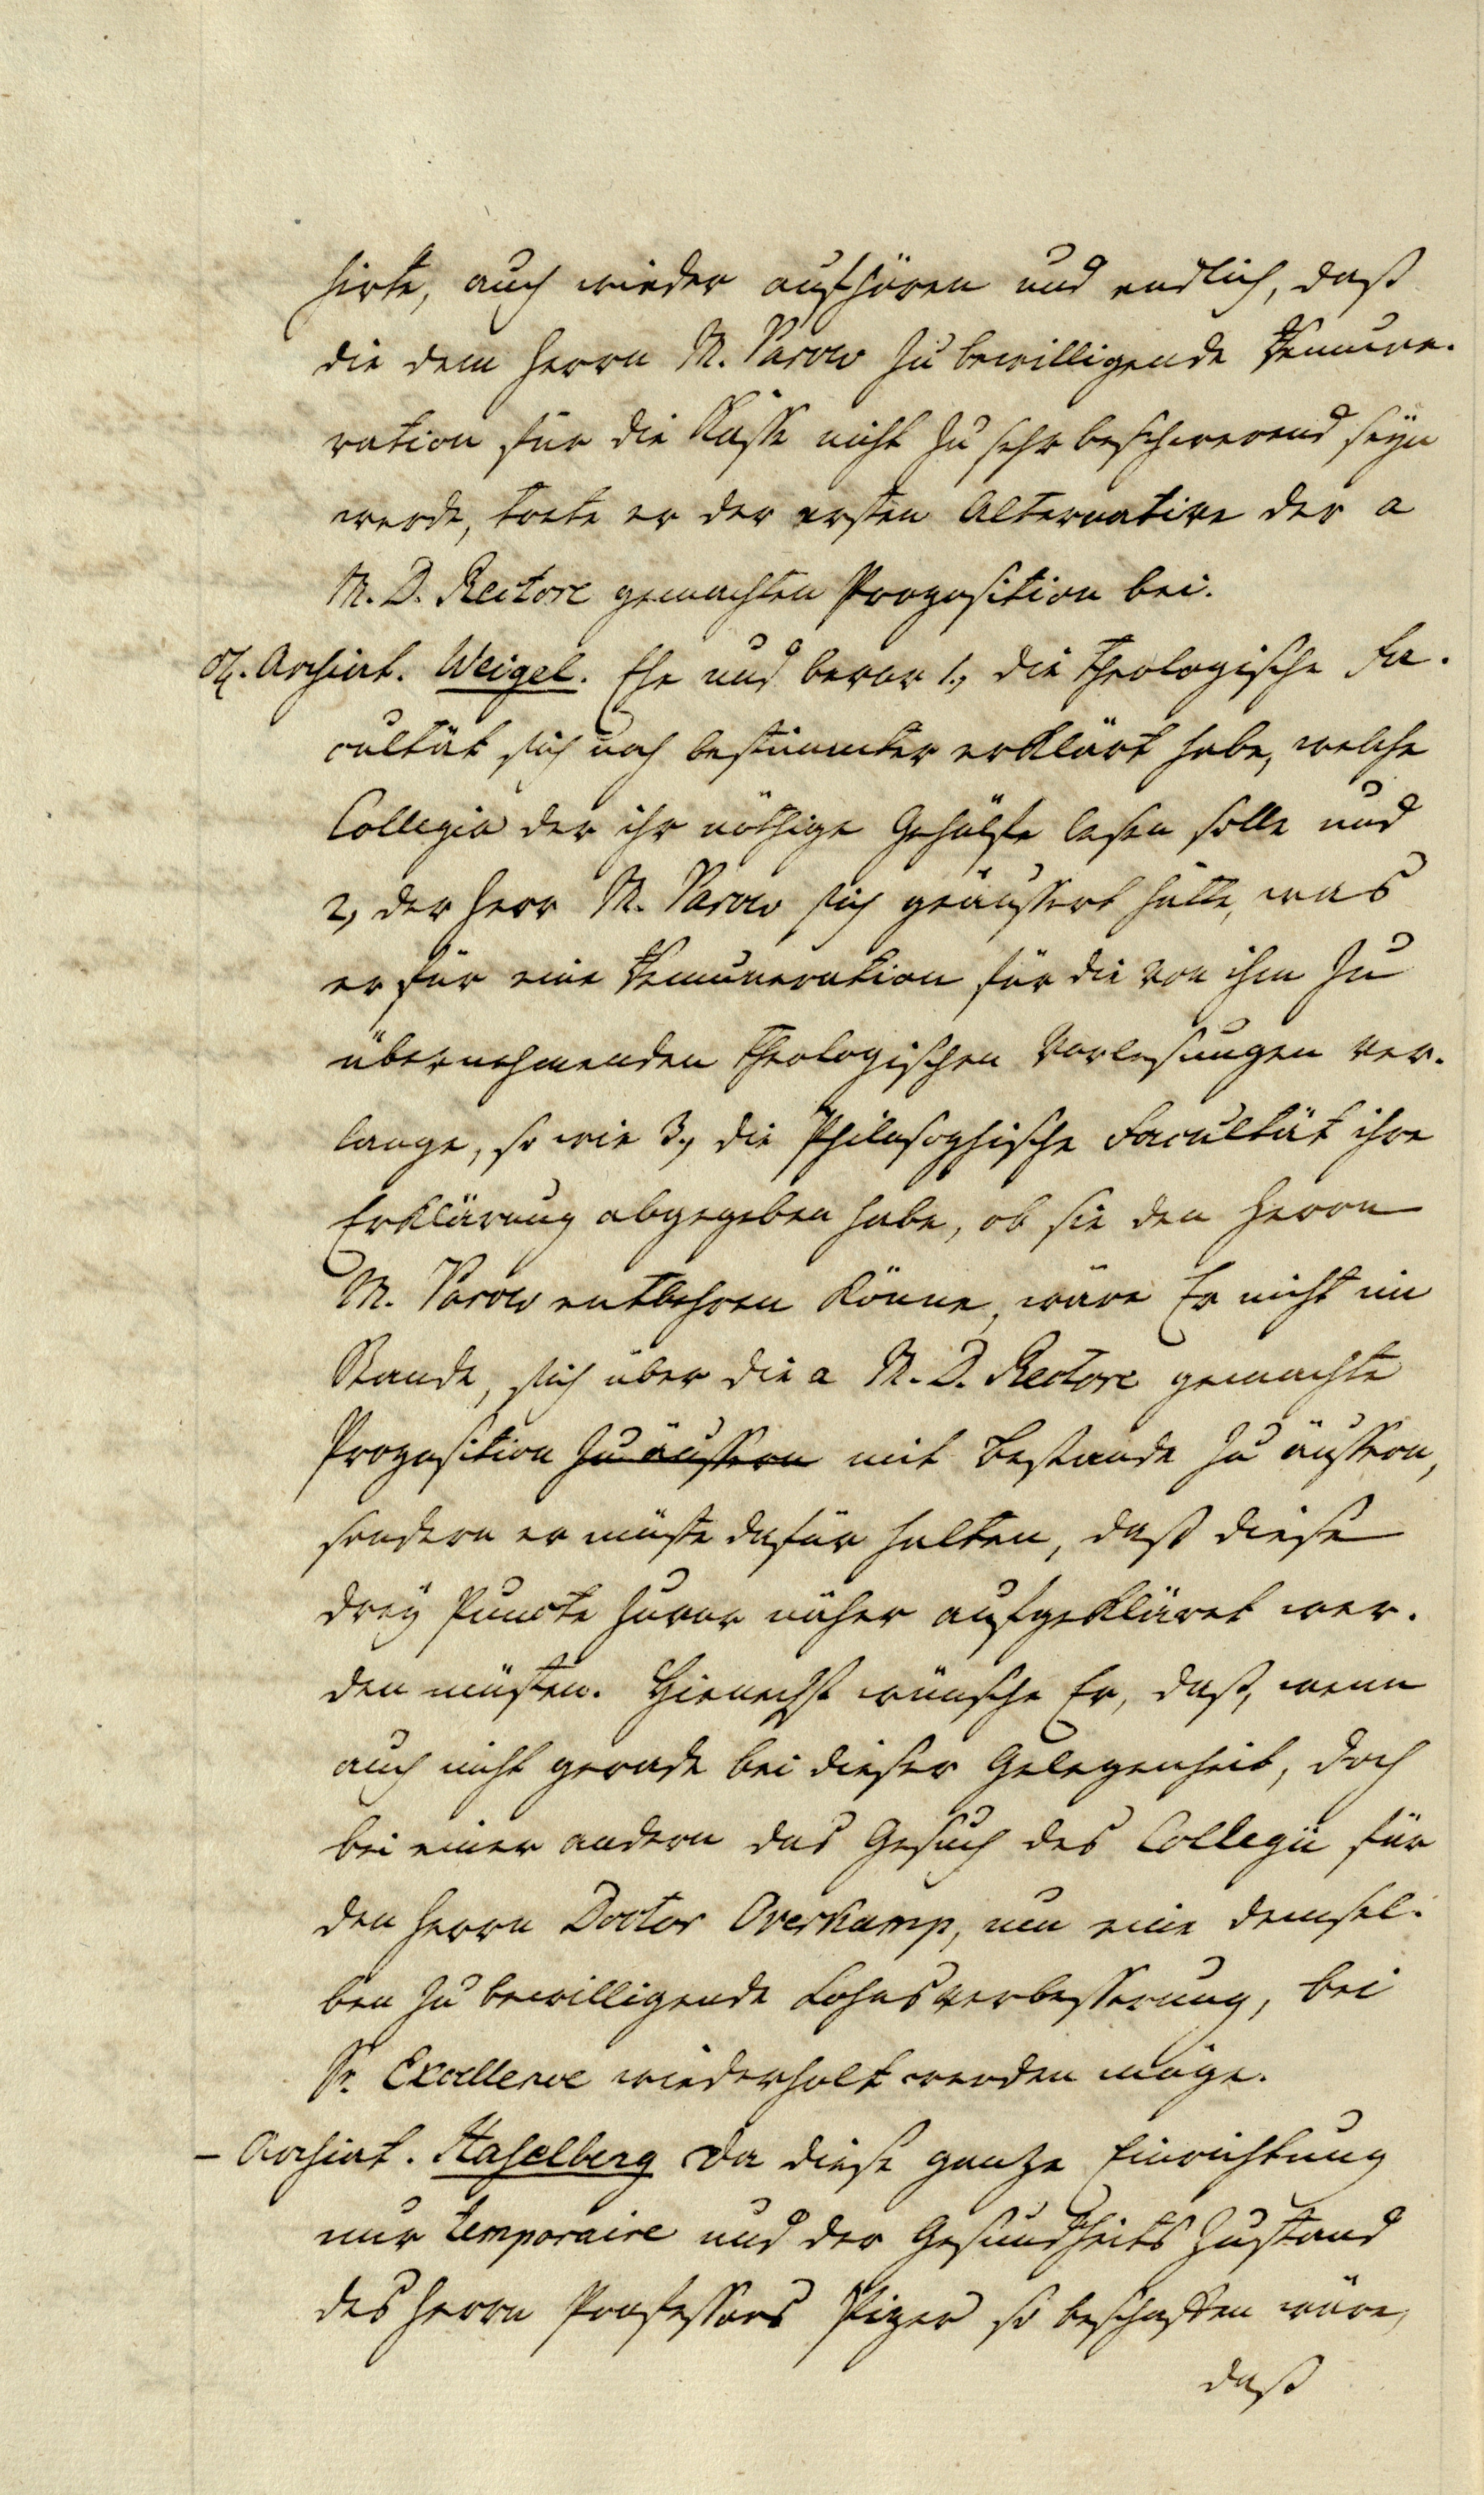sirte, auch wieder aufhören und endlich, daß
die dem Herrn M. Parow zu bewilligende Remune¬
ration für die Kasse nicht zu sehr beschwerend seÿn
werde, trete er der ersten Alternative der a
M. D. Rectore gemachten Proposition bei.
dh. Archiat. Weigel. Ehe und bevor 1., die Theologische Fa¬
cultät sich noch bestimmter erklärt habe, welche
Collegia der ihr nöthige Gehülfe lesen solle und
2, der Herr M. Parow sich geäussert hätte, was
er für eine Remuneration für die von ihm zu
übernehmenden theologischen Vorlesungen ver¬
lange, so wie 3., die Philosophische Facultät ihre
Erklärung abgegeben habe, ob sie den Herrn
M. Parow entbehren könne, wäre Er nicht im
Stande, sich über die a M. D. Rectore gemachte
Proposition zuaussern mit Bestande zu äussern,
sondern er müßte dafür halten, daß diese
dreÿ Puncte zuvor näher aufgekläret wer¬
den müßten. Hienechst wünsche Er, daß wenn
auch nicht gerade bei dieser Gelegenheit, doch
bei einer andern das Gesuch des Collegii für
den Herrn Doctor Overkamp, um eine demsel-
ben zu bewilligende Lohnsverbesserung, bei
Sr Excellence wiederholt werden möge.
Archiat. Haselberg da diese ganze Einrichtung
nur temporaire und der Gesundheitszustand
des Herrn Professors Piper so beschaffen wäre,
daß